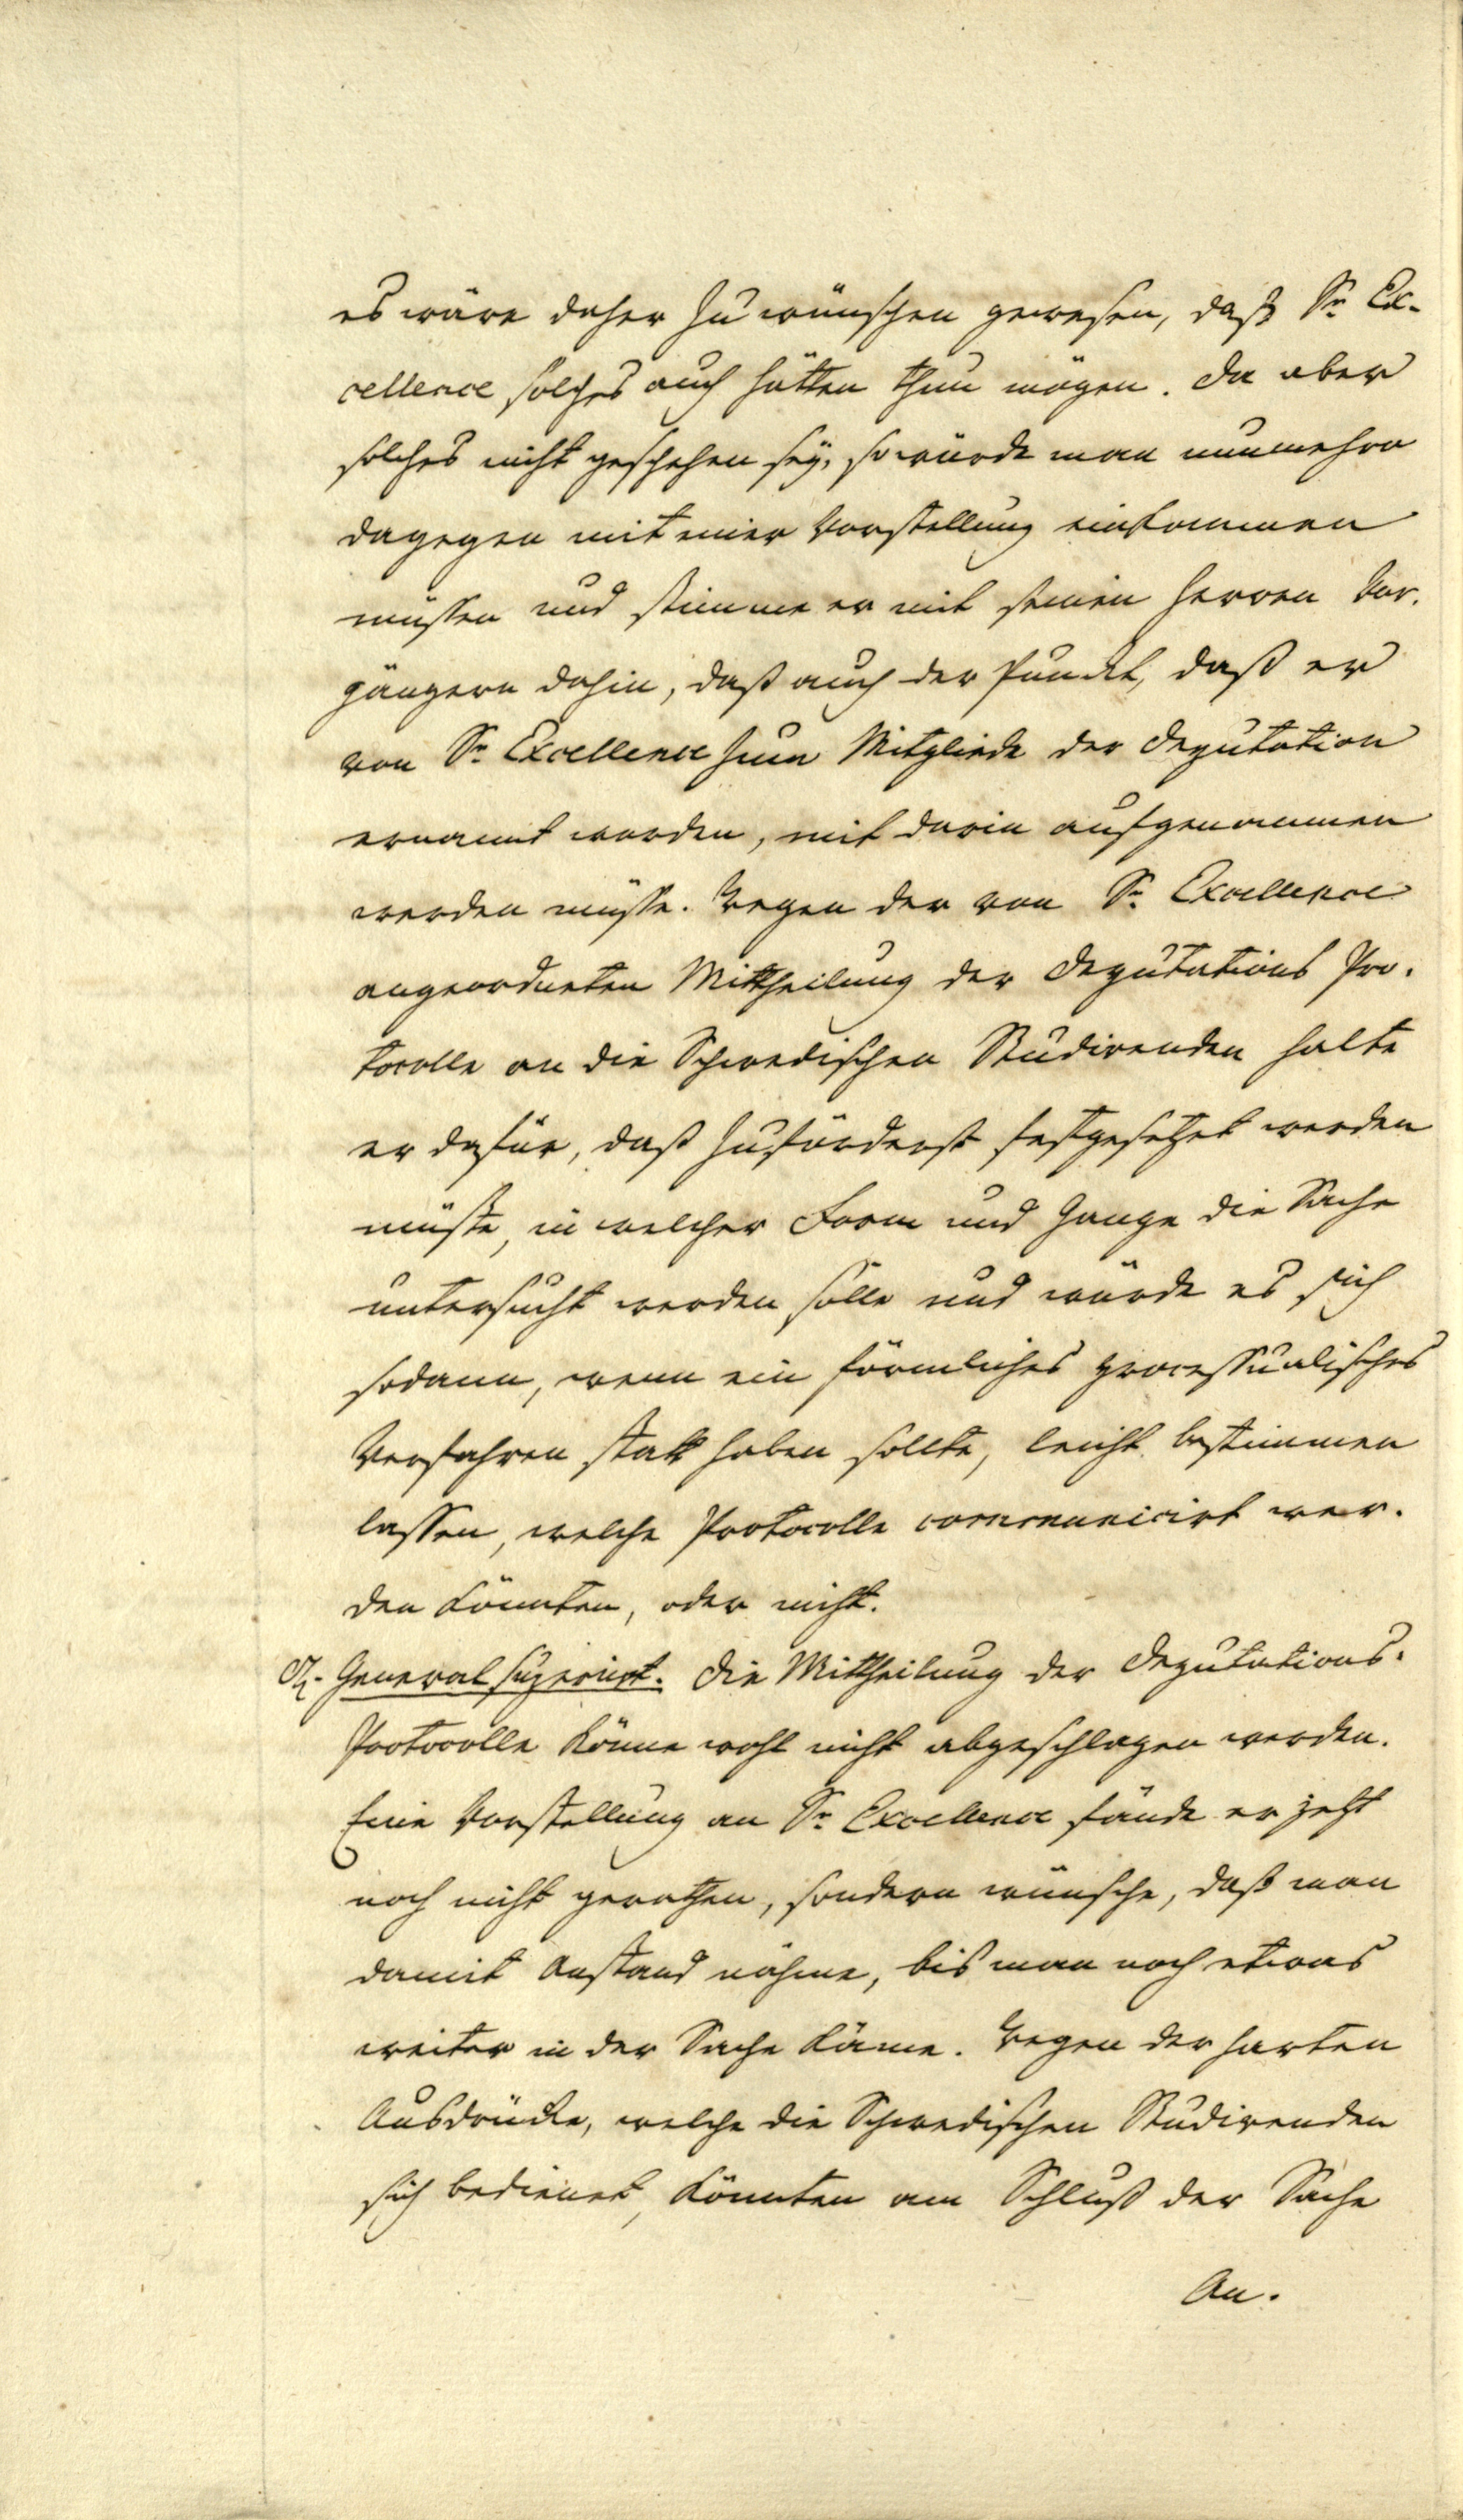es wäre daher zu wünschen gewesen, daß Sr Ex¬
cellence solches auch hätten thun mögen. Da aber
solches nicht geschehen seÿ, so würde man nunmehro
dagegen mit einer Vorstellung einkommen
müssen und stimme er mit seinen Herren Vor¬
gängern dahin, daß auch der Punckt, daß er
von Sr Excellence zum Mitgliede der Deputation
ernannt worden, mit darin aufgenommen
werden müsse. Wegen der von Sr. Excellence
angeordneten Mittheilung der degutatinns Pro¬
tocolle an die Schwedischen Studirenden halte
er dafür, daß zuförderst festgesetzet werden
müßte in welcher Form und Gange die Sache
untersucht werden solle und würde es sich
sodann, wenn ein förmliches processualisches
Verfahren statt haben sollte, leicht bestimmen
lassen, welche Protocolle communicirt wer¬
den könnten, oder nicht.
dh. Generalsuperint. Die Mittheilung der Deputations¬
Protocolle könne wohl nicht abgeschlagen werden.
Eine Vorstellung an Sr Excellence fände er jetzt
noch nicht gerathen, sondern wünsche, daß man
damit Anstand nähme, bis man noch etwas
weiter in der Sache käme. Wegen der harten
Ausdrücke, welche die Schwedischen Studirenden
sich bedienet, könnten am Schluß der Sache
an-